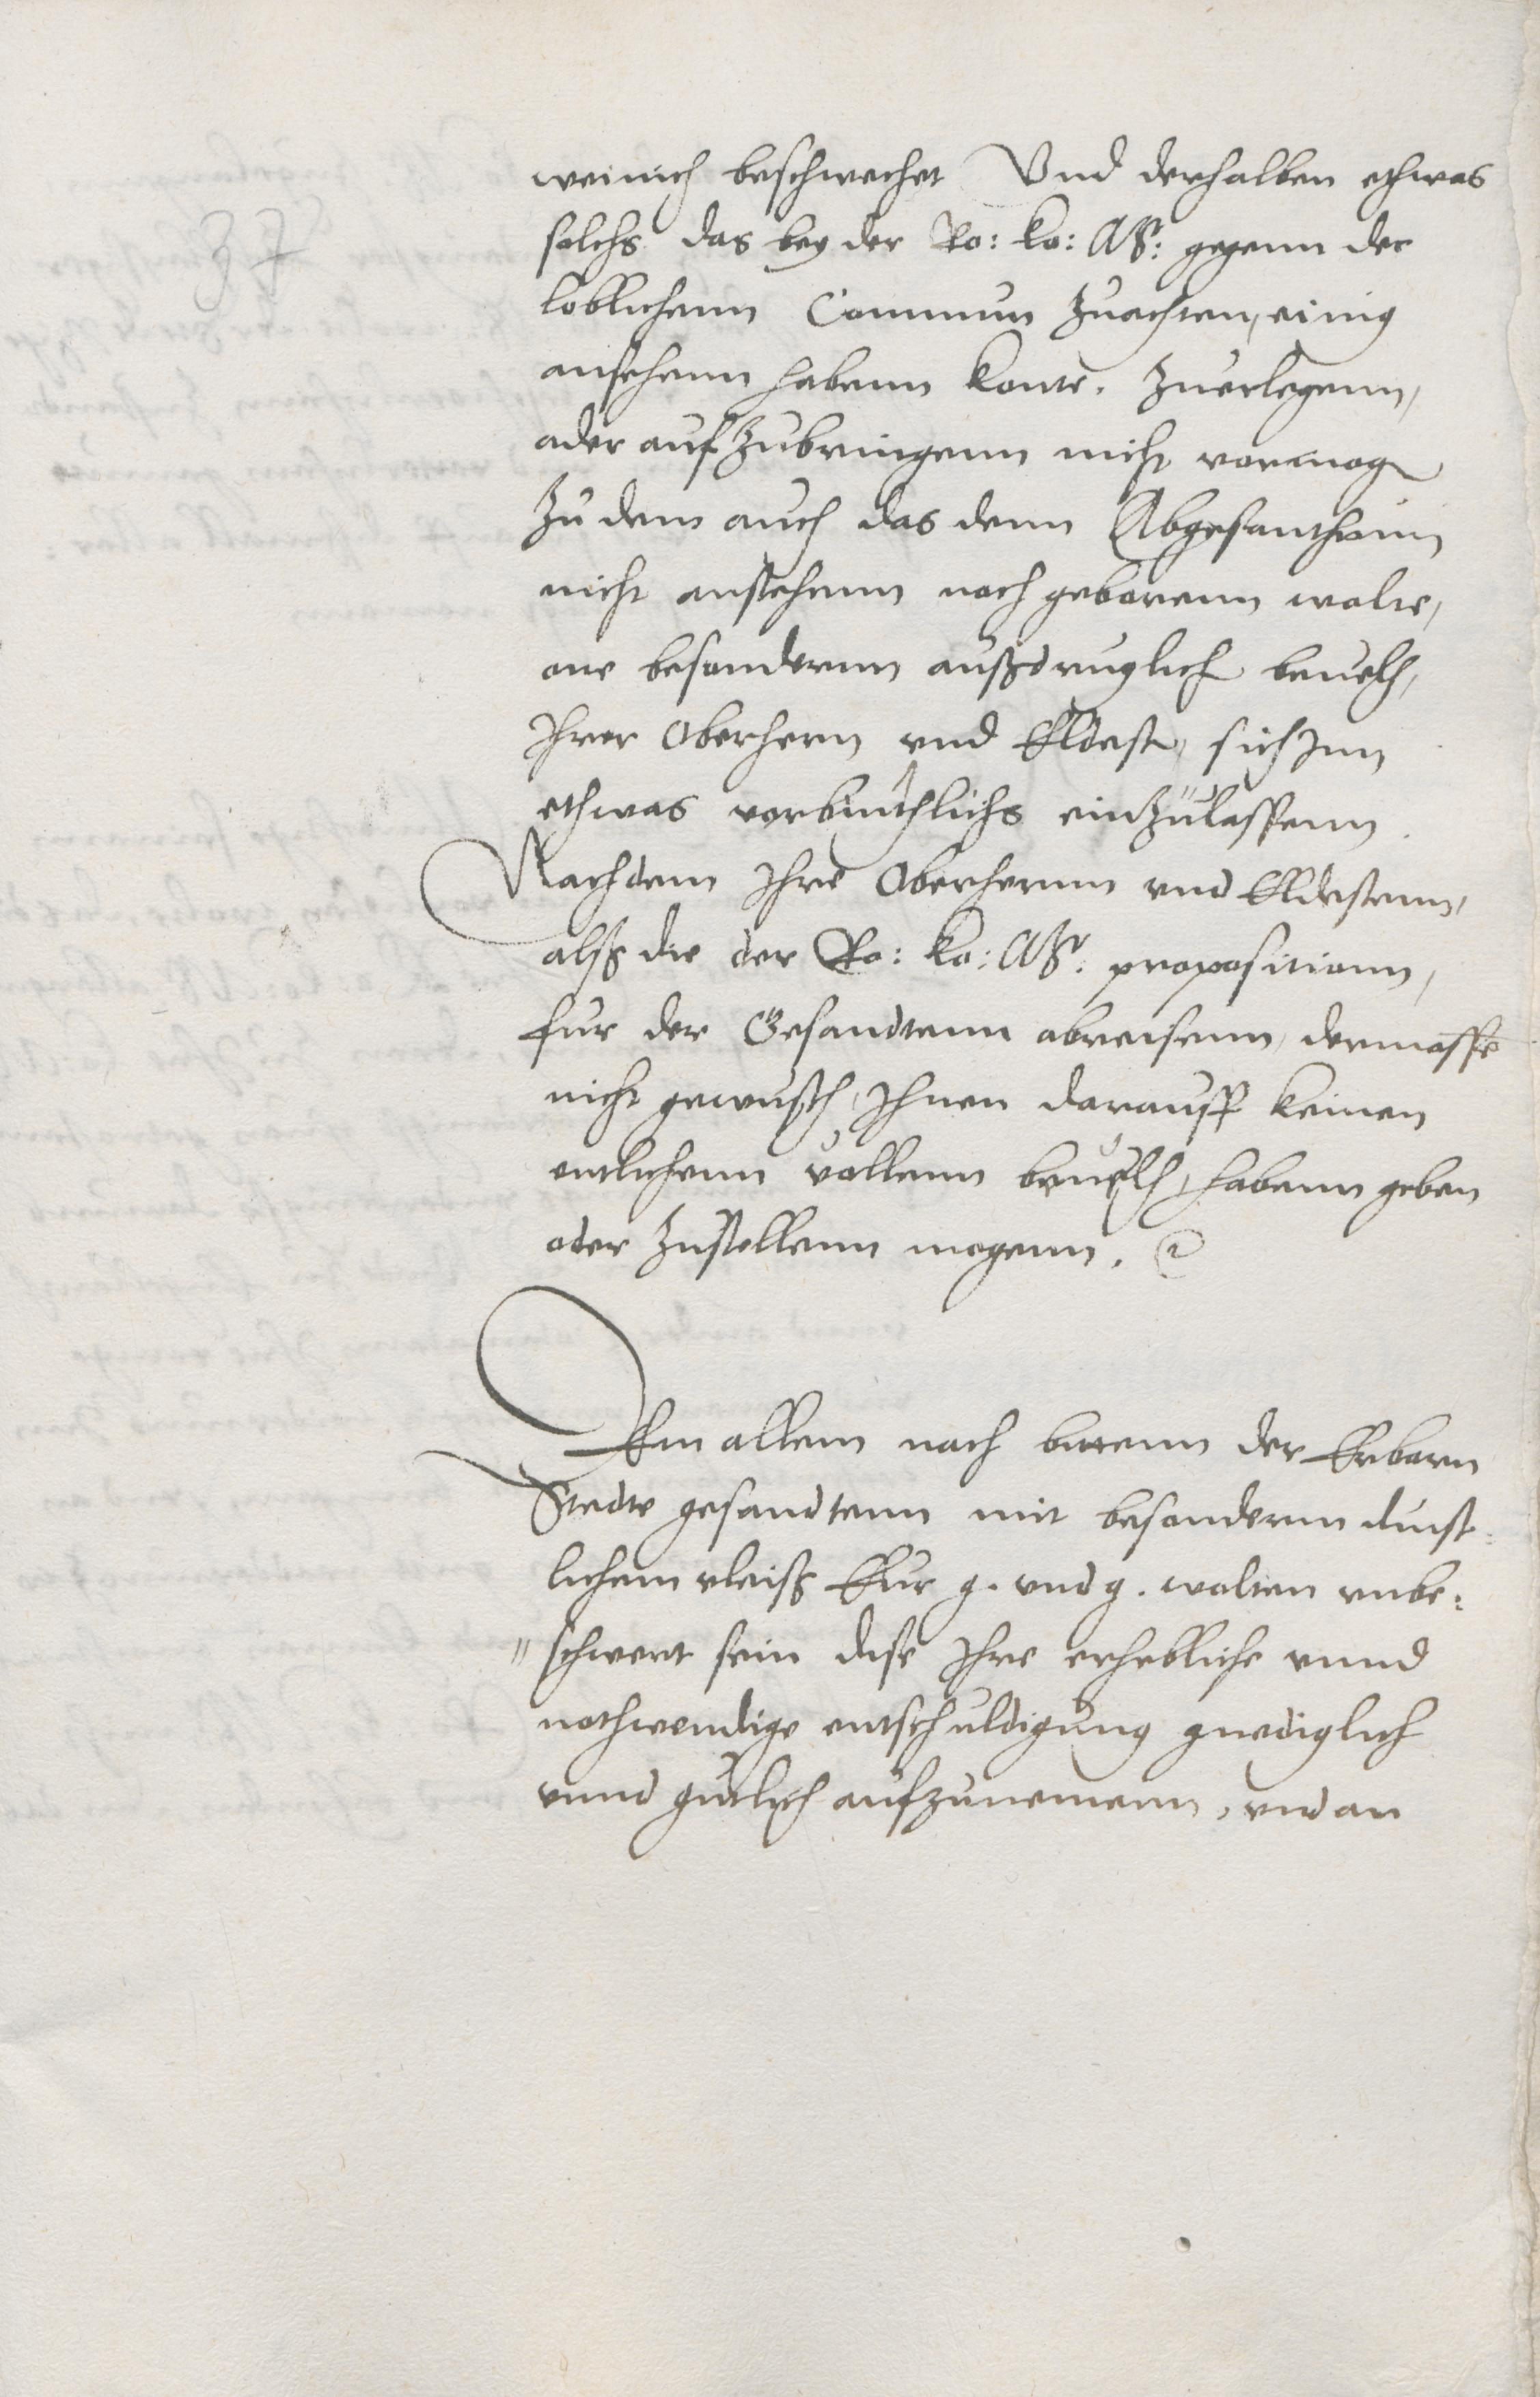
weinich beschwechet Vnd derhalben ethwas
solchs das bey der Ro: Ko: Mt: gegenn der
loblichenn Commun zuachten, einig
ansehenn habenn konte zuerlegenn,
ader auf zubringenn nicht vormogen
zu dem auch das denn Abgesanthenn
nicht anstehenn noch geborenn wolte,
one besondernn außdruglichen beuelh,
Jhrer Oberhern vnd Eldesten sich Jnn
ethwas vorbinthlichs einzulassenn.
Nachdem Jhre Oberhernn vnd Eldestenn,
alß die der Ro: Ko: Mt: propositionn,
fur der Gesandtenn abreisenn, dermassen
nicht gewusth, Jhnen darauff keinen
entlichenn vollenn beuelh haben geben
oder zustellenn mogen. etc.
DEm allem nach bittenn der Erbarn
Stedte gesandtenn mit besonderm dinst¬
lichem vleiß Eur g. vnd g. wolten vnbe¬
schwert sein dise Jhre erhebliche vnnd
nothwendige entschuldigung gnediglich
vnnd gutlich aufzunemenn, vnd an
